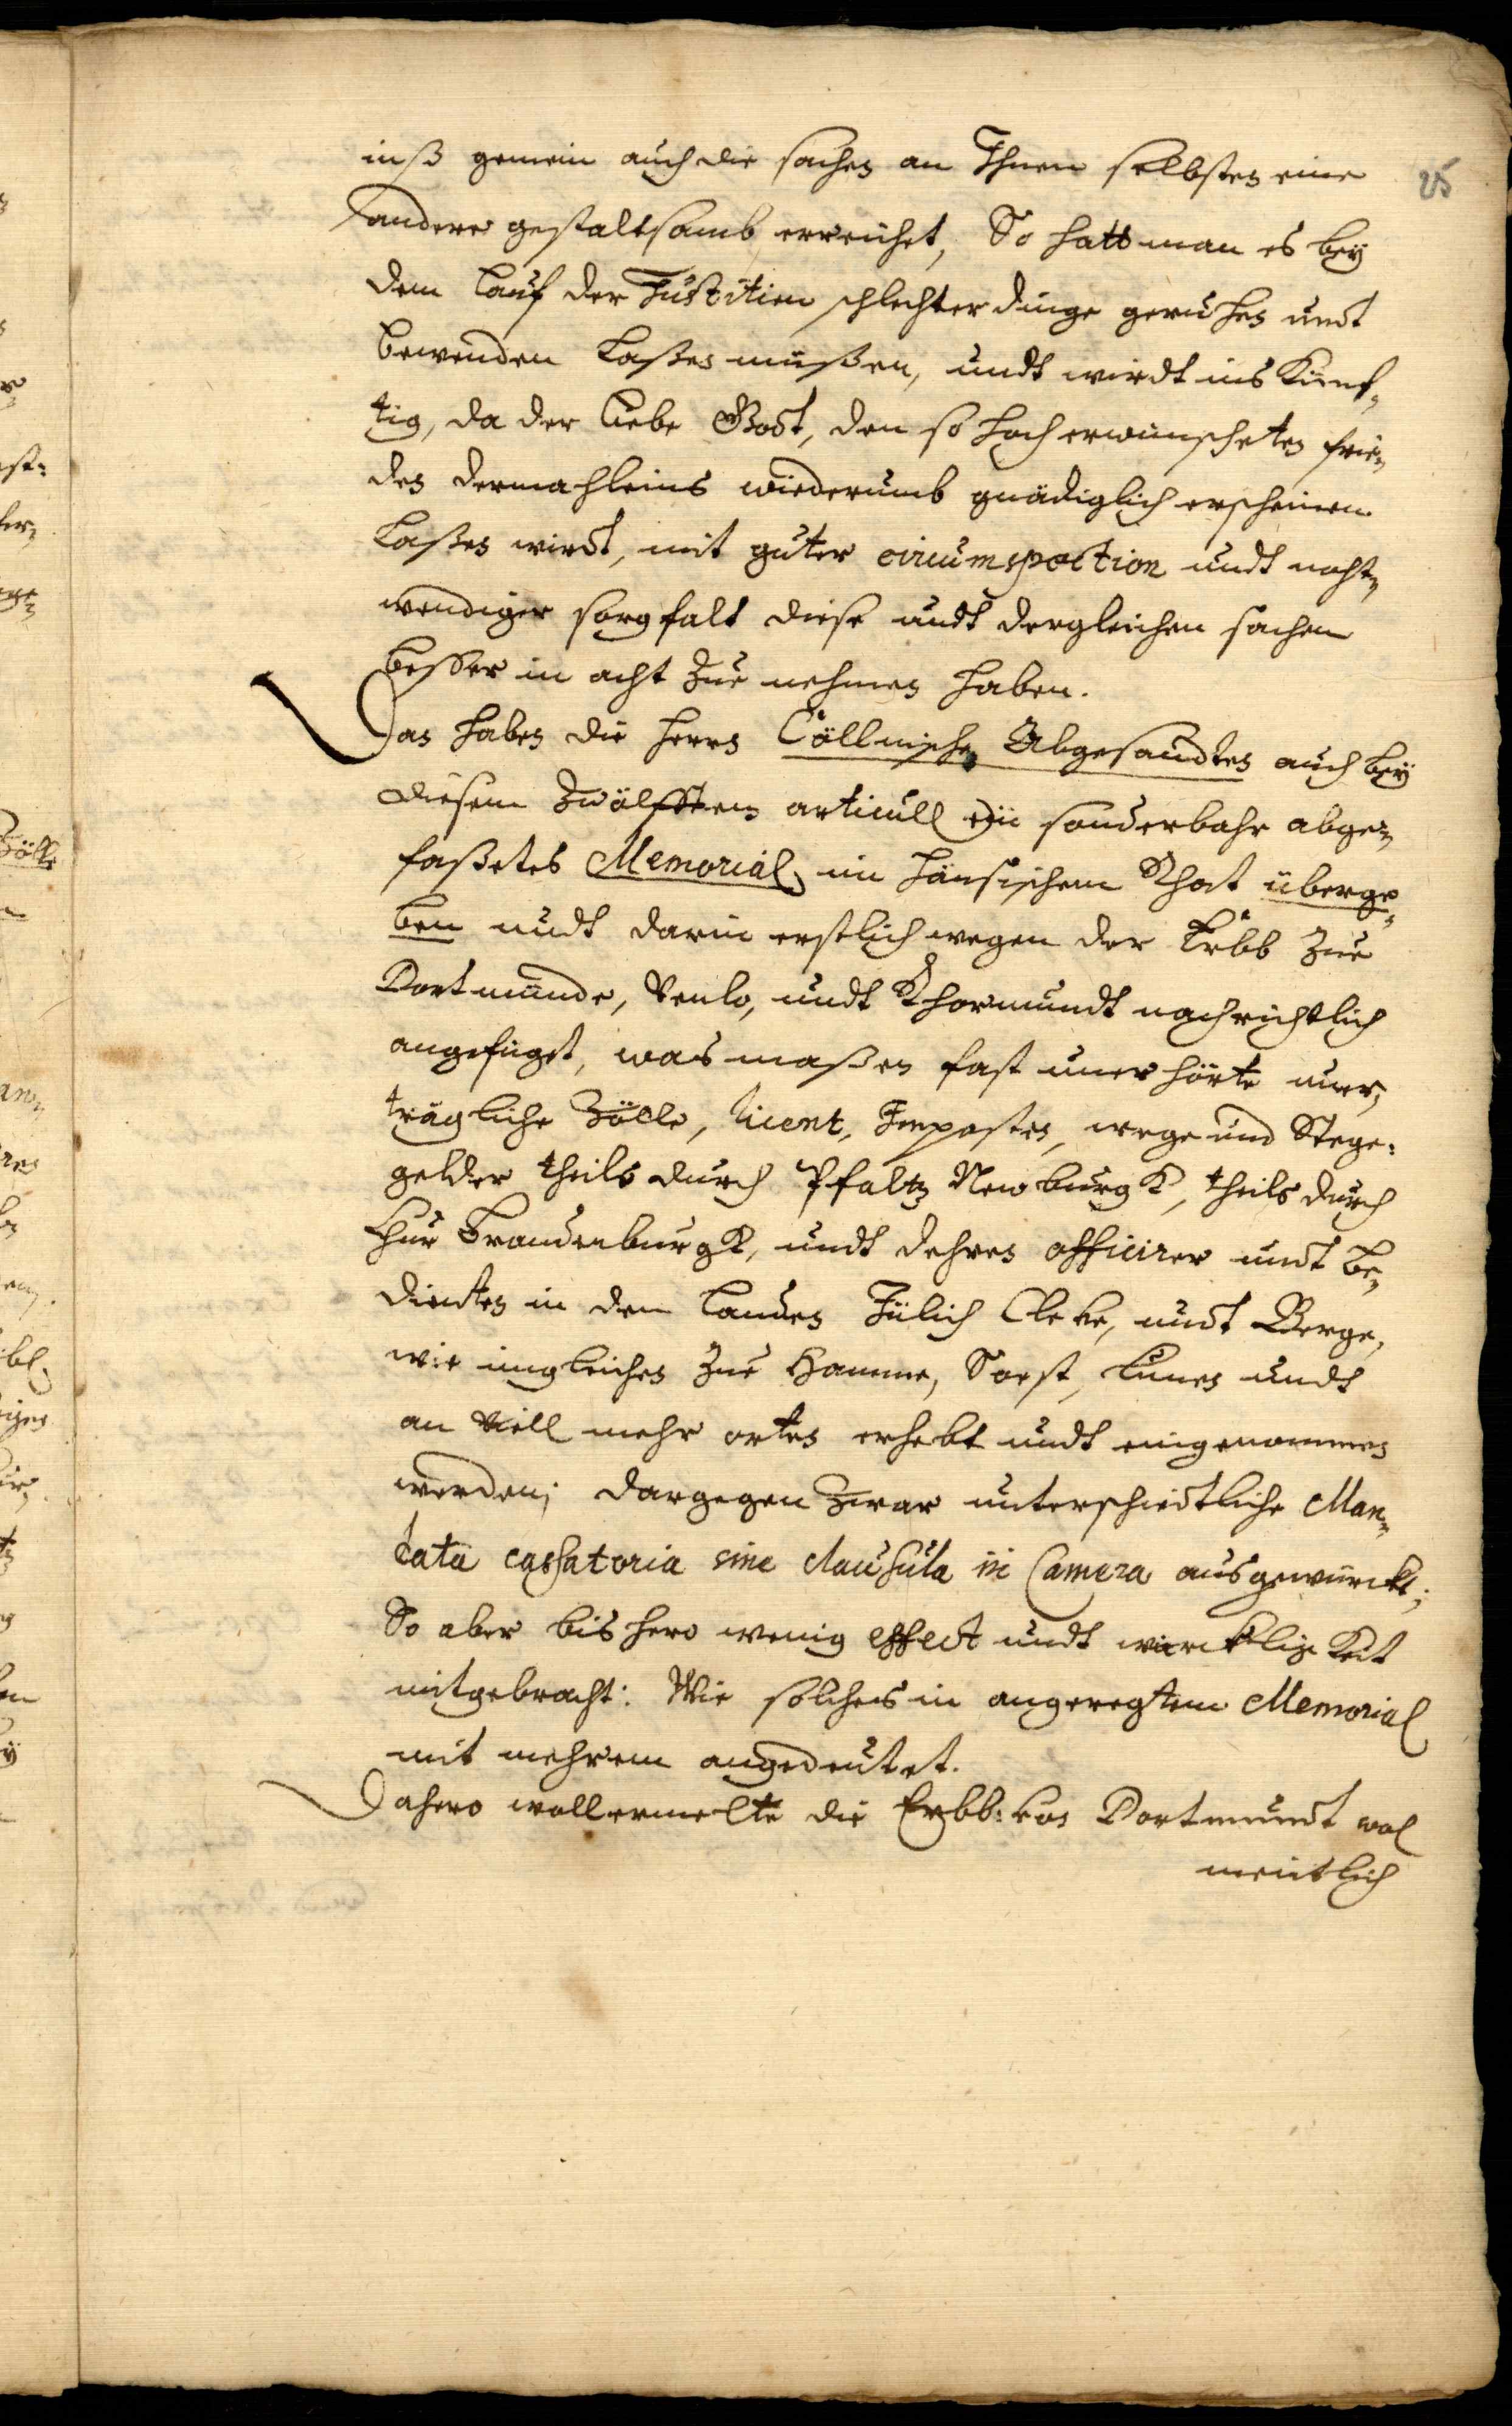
25
inß gemein auch die sachen an Ihnen selbsten eine
andere gestaltsamb erreichet, So hatt man es beij
dem lauf der Justitien schlechter dinge geruhen undt
bewenden laßen müßen, undt wirdt ins künf¬
tig, da der Liebe Godt, den so hoch erwünscheten frie¬
den dermahleins wiederumb gnädiglich erscheinen
laßen wirdt, mit guter circumspection undt noht¬
wendiger sorgfalt diese undt dergleichen sachen
besser in acht zue nehmen haben.
Dan haben die herren Cöllnische Abgesandten auch beij
diesem zwölfftem articull ein sonderbahr abge¬
faßetes Memorial im hänsischem Rhat überge¬
ben undt darin erstlich wegen der Erbb zue
Dortmünde, Venlo, undt Rhormundt nachrichtlich
angefüget, was maßen fast unerhörte uner¬
trägliche Zölle, Licent, Imposten, wege und Stege¬
gelder theils durch Pfaltz Newburgk, theils durch
Chur Brandenburgk, undt dehren officirer undt be¬
dienten in den landen Jülich Cleve, undt Berge,
wie imgleichen zue Hamme, Soest, Lunen undt
an viell mehr orten erhebt undt eingenommen
worden; Dargegen zwar unterschiedtliche Man¬
data cassatoria sine clausula in Camera ausgewürckt;
So aber bis hero wenig effect undt wierckligkeit
mitgebracht: Wie solches in angeregtem Memorial
mit mehrem angedeutet.
Dahero wollermelte die Erbb: von Dortmundt wol
meintlich
